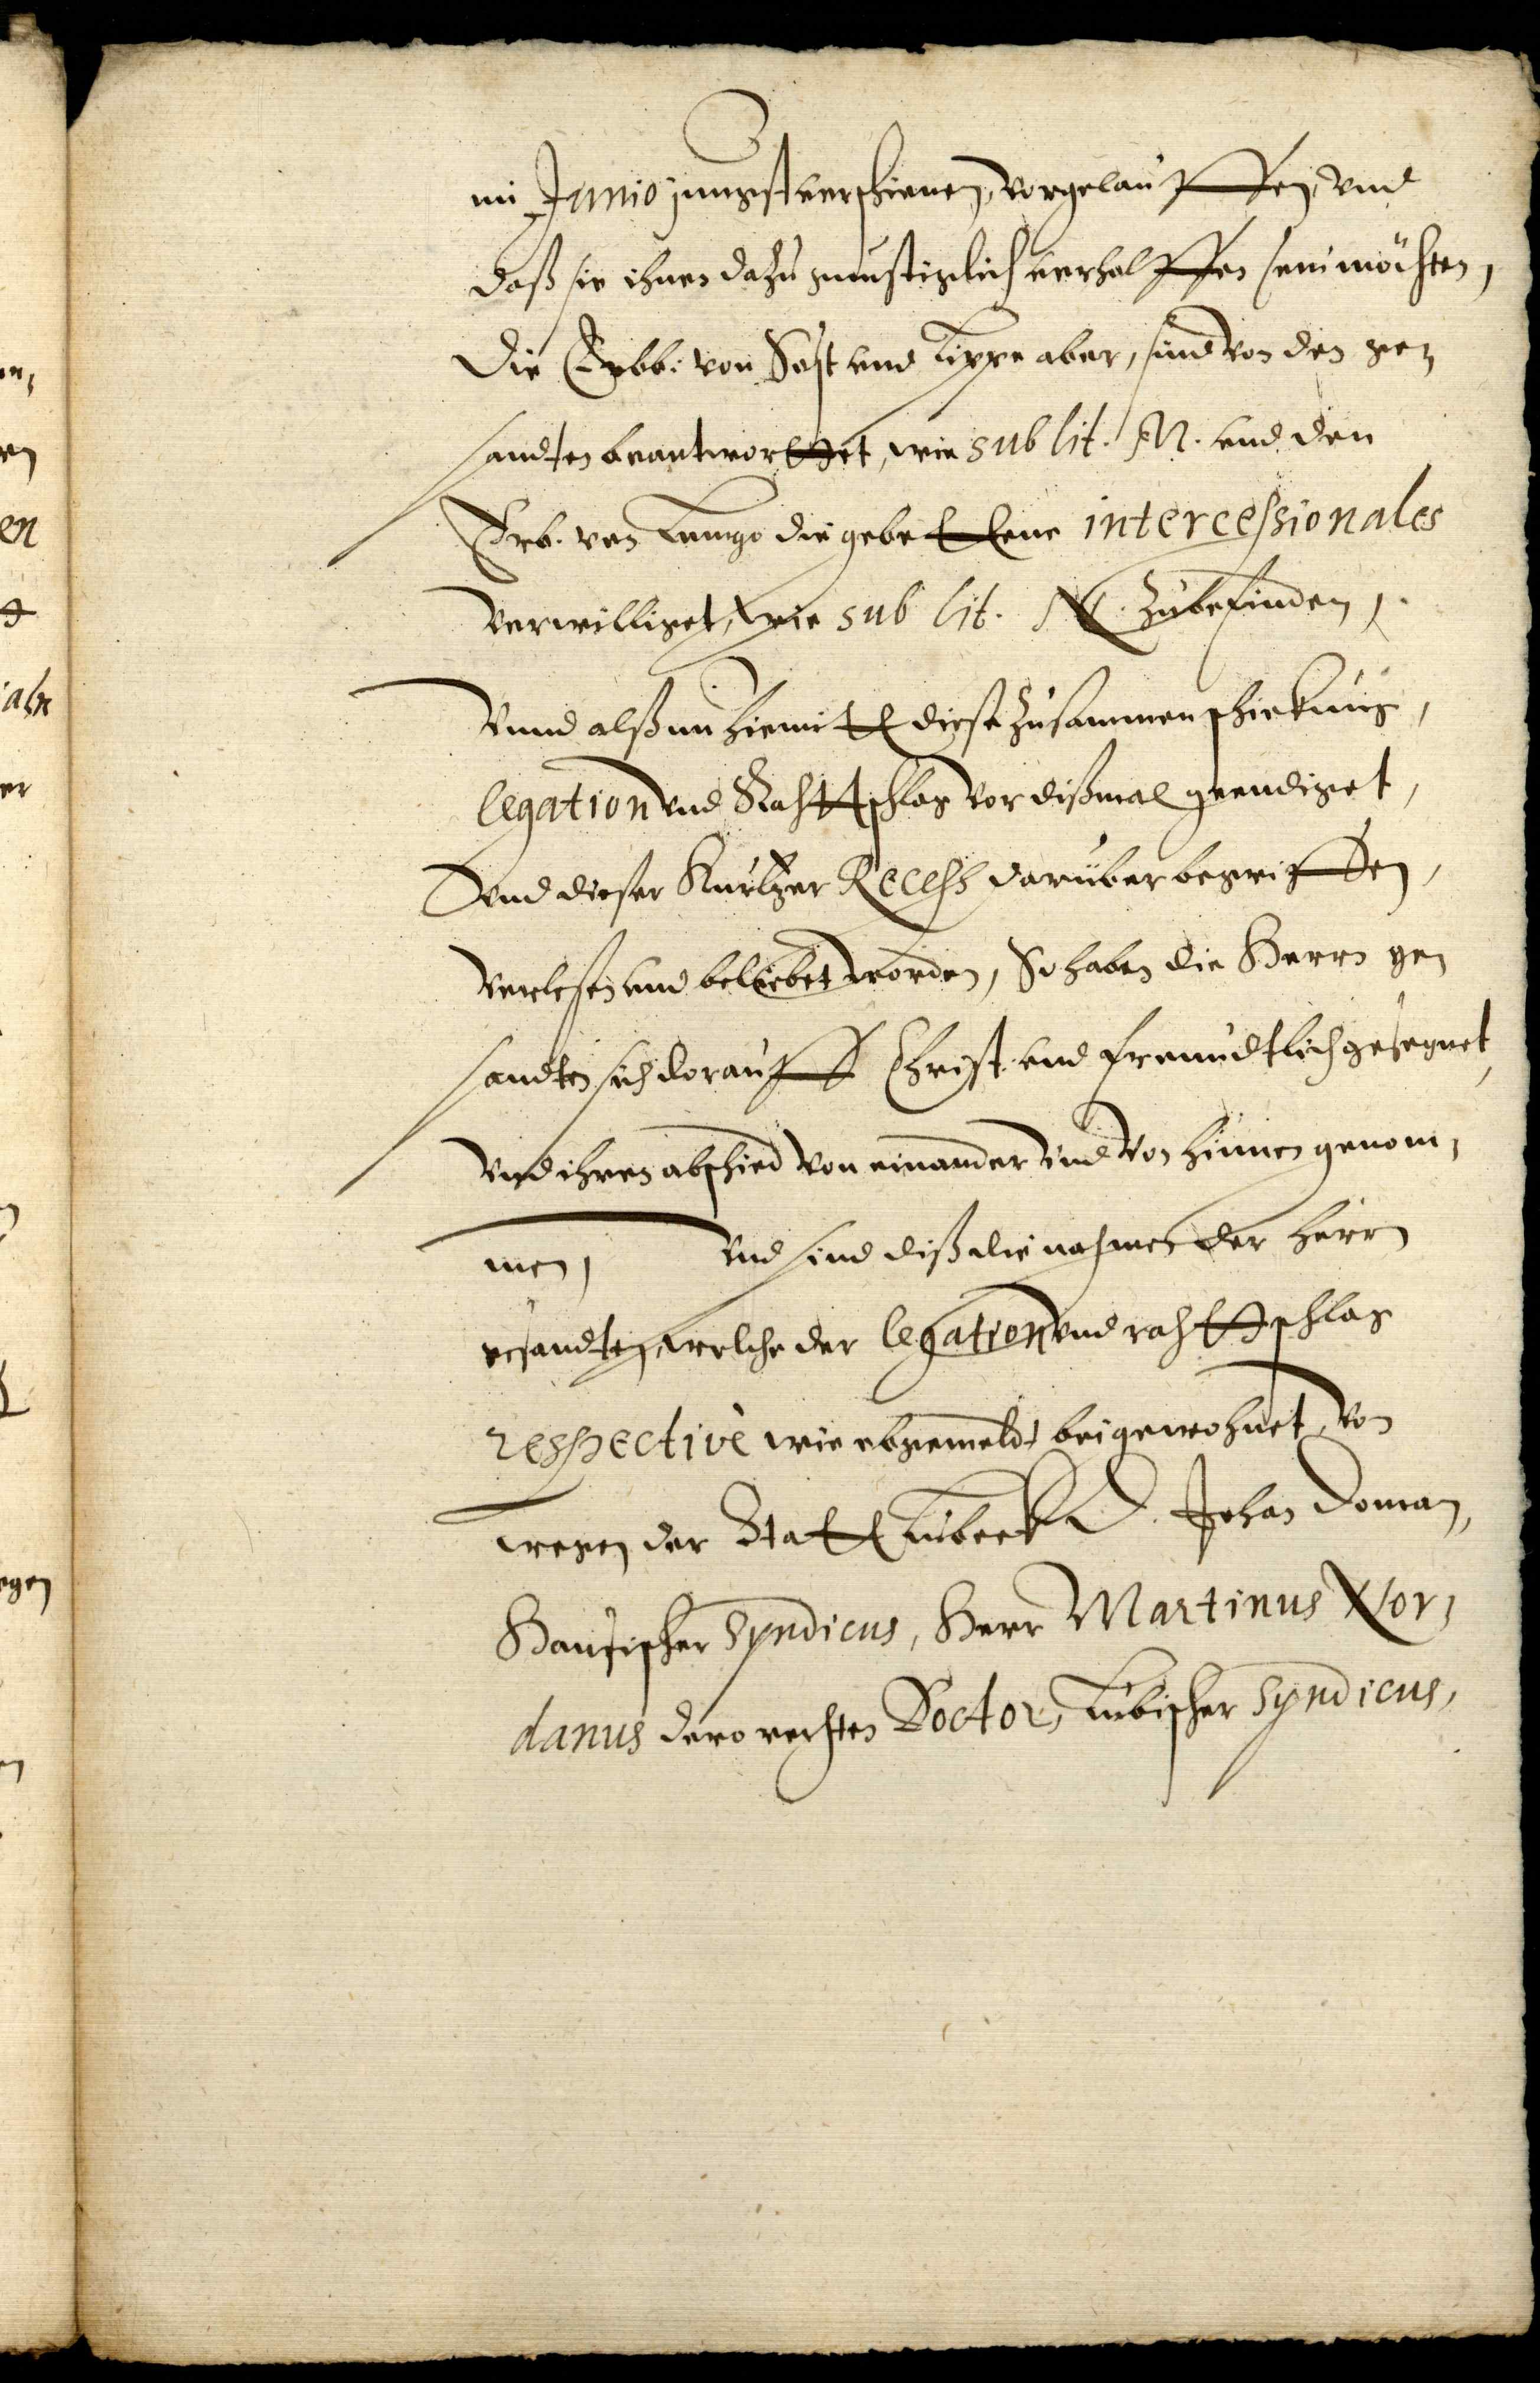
im Junio jungstverschienen, vorgelauffen, vnd
daß sie ihnen dazu gunstiglich verholffen sein möchten,
die Erbb: von Sost vnd Lipppe aber, sind von den ge¬
sandten beantworttet, wie sub lit. M vnd den
Erb. von Lemgo die gebettene intercessionales
verwilliget, wie sub lit. N. zubefinden,
Vnnd alß nu hiemitt diese zusammenschickung,
legation vnd Rahttschlag vor dißmal geendiget,
vnd dießer kurtzer Recess darüber begriffen,
verlesen vnd beliebet worden, So haben die Herrn ge¬
sandten sich dorauff Christ: vnd freundtlich gesegnet,
vnd ihren abschied von einander vnd von hinnen genom¬
men, Vnd sich diß die nahmen der herrn
gesandten, welche der legation vnd rahttschlag
repective wie obgemeldt beigewohnet, von
wegen der Statt Lubeck D. Johan Doman,
Hansischer syndicus, Herr Martinus Nor¬
danus dero rechten Doctor, Lubischer syndicus,
